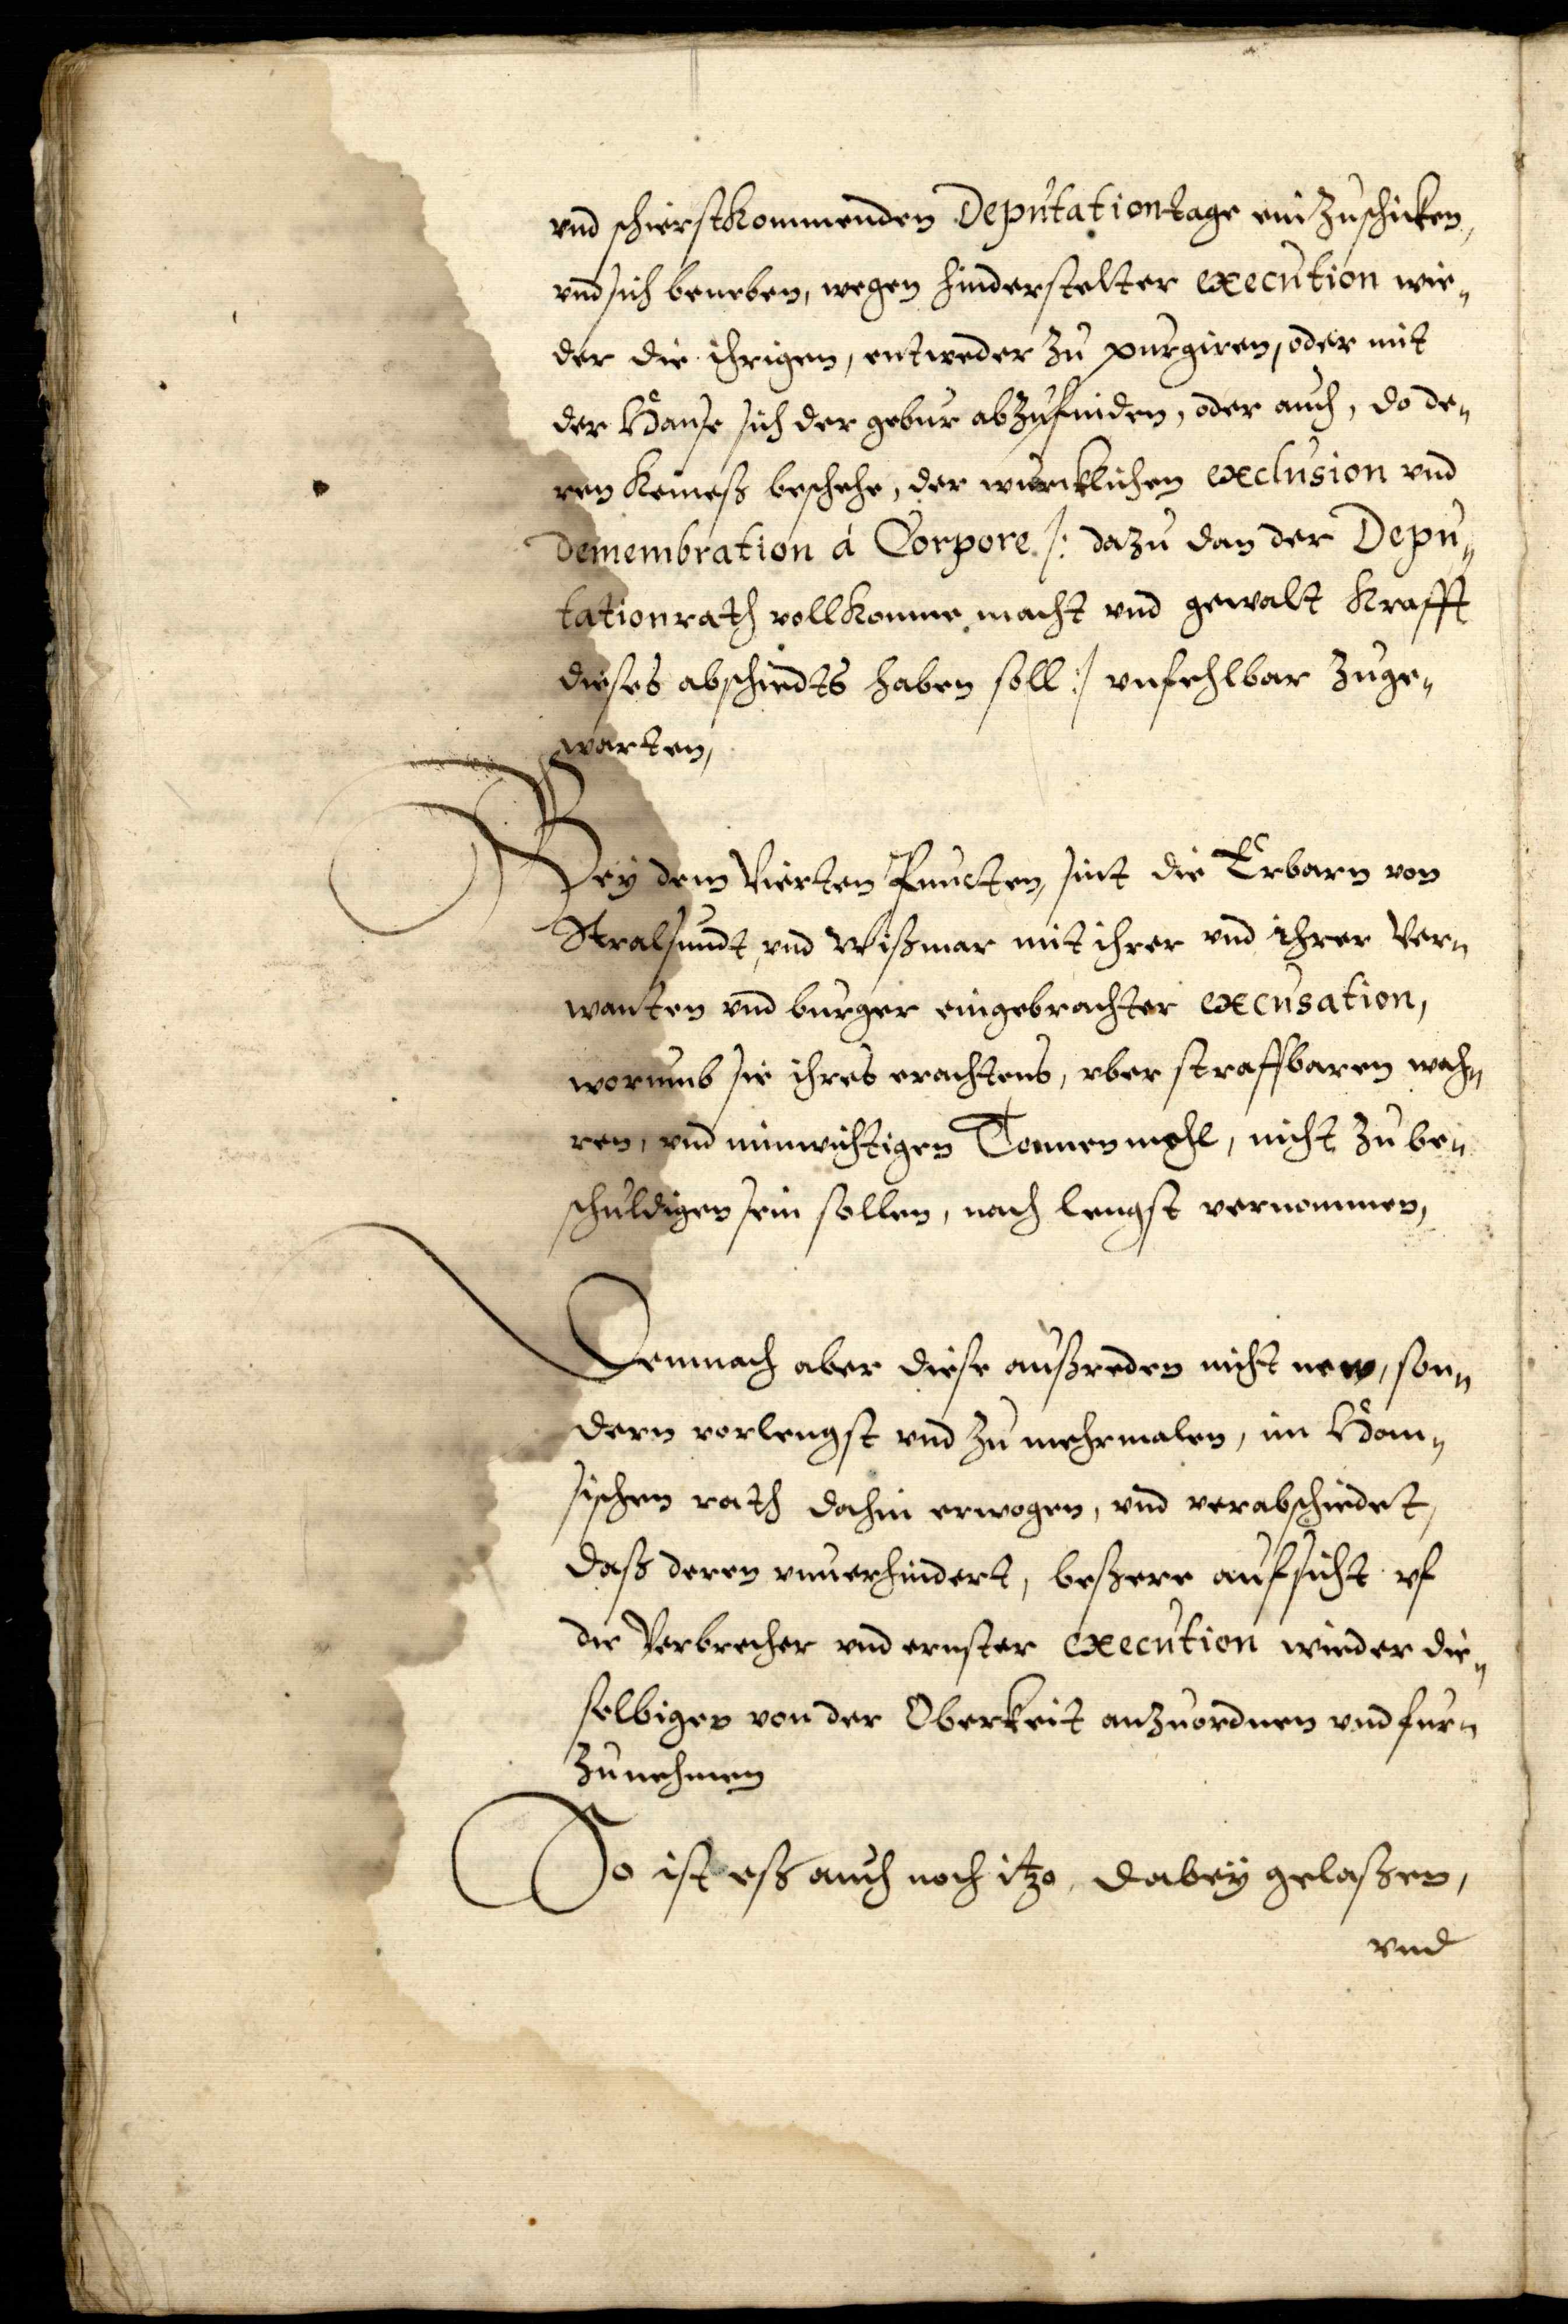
vnd schirstkommenden Deputationstage einzuschicken,
vnd sich beneben, wegen hinderstelter execution wie¬
der die ihrigen, entweder zu purgieren, oder mit
de Hanse sichder gebur abzufinden, oder auch, do de¬
ren keineß beschehe, der wurcklichen exclusion vnd
Demembration à Corpore |: dazu das der Depu¬
tationsrath wollkomne macht vnd gewalt Krafft
dieses abschiedts haben soll :| vnfehlbar zuge¬
warten,
Beij dem Vierten Puncten, int die Erbarn von
Stralsundt, vnd Wißmar mit ihrer vnd ihrer ver¬
wanten vnd burger eingebrachter excusation,
worumb sie ihres, vber straffbaren wah¬
ren, vnd minwichtigen Tonnen mehl, nicht zu be¬
schuldigen sein sollen, noch lengst vernommen,
Demnach aber diese außerden nicht new, son¬
der vorlengst vnd zu mehrmalen, im Han¬
sischen rath dahin erwogen, vnd verabschiedet,
daß deren vunerhindert, beßerer aufsicht uf
der Verbrecher vnd ernster excution wieder die¬
selbigen von der Oberkeit anzuordnen vnd fur¬
zunehmen.
So ist eß auch noch itzo, dabeij gelaßen
vnd
